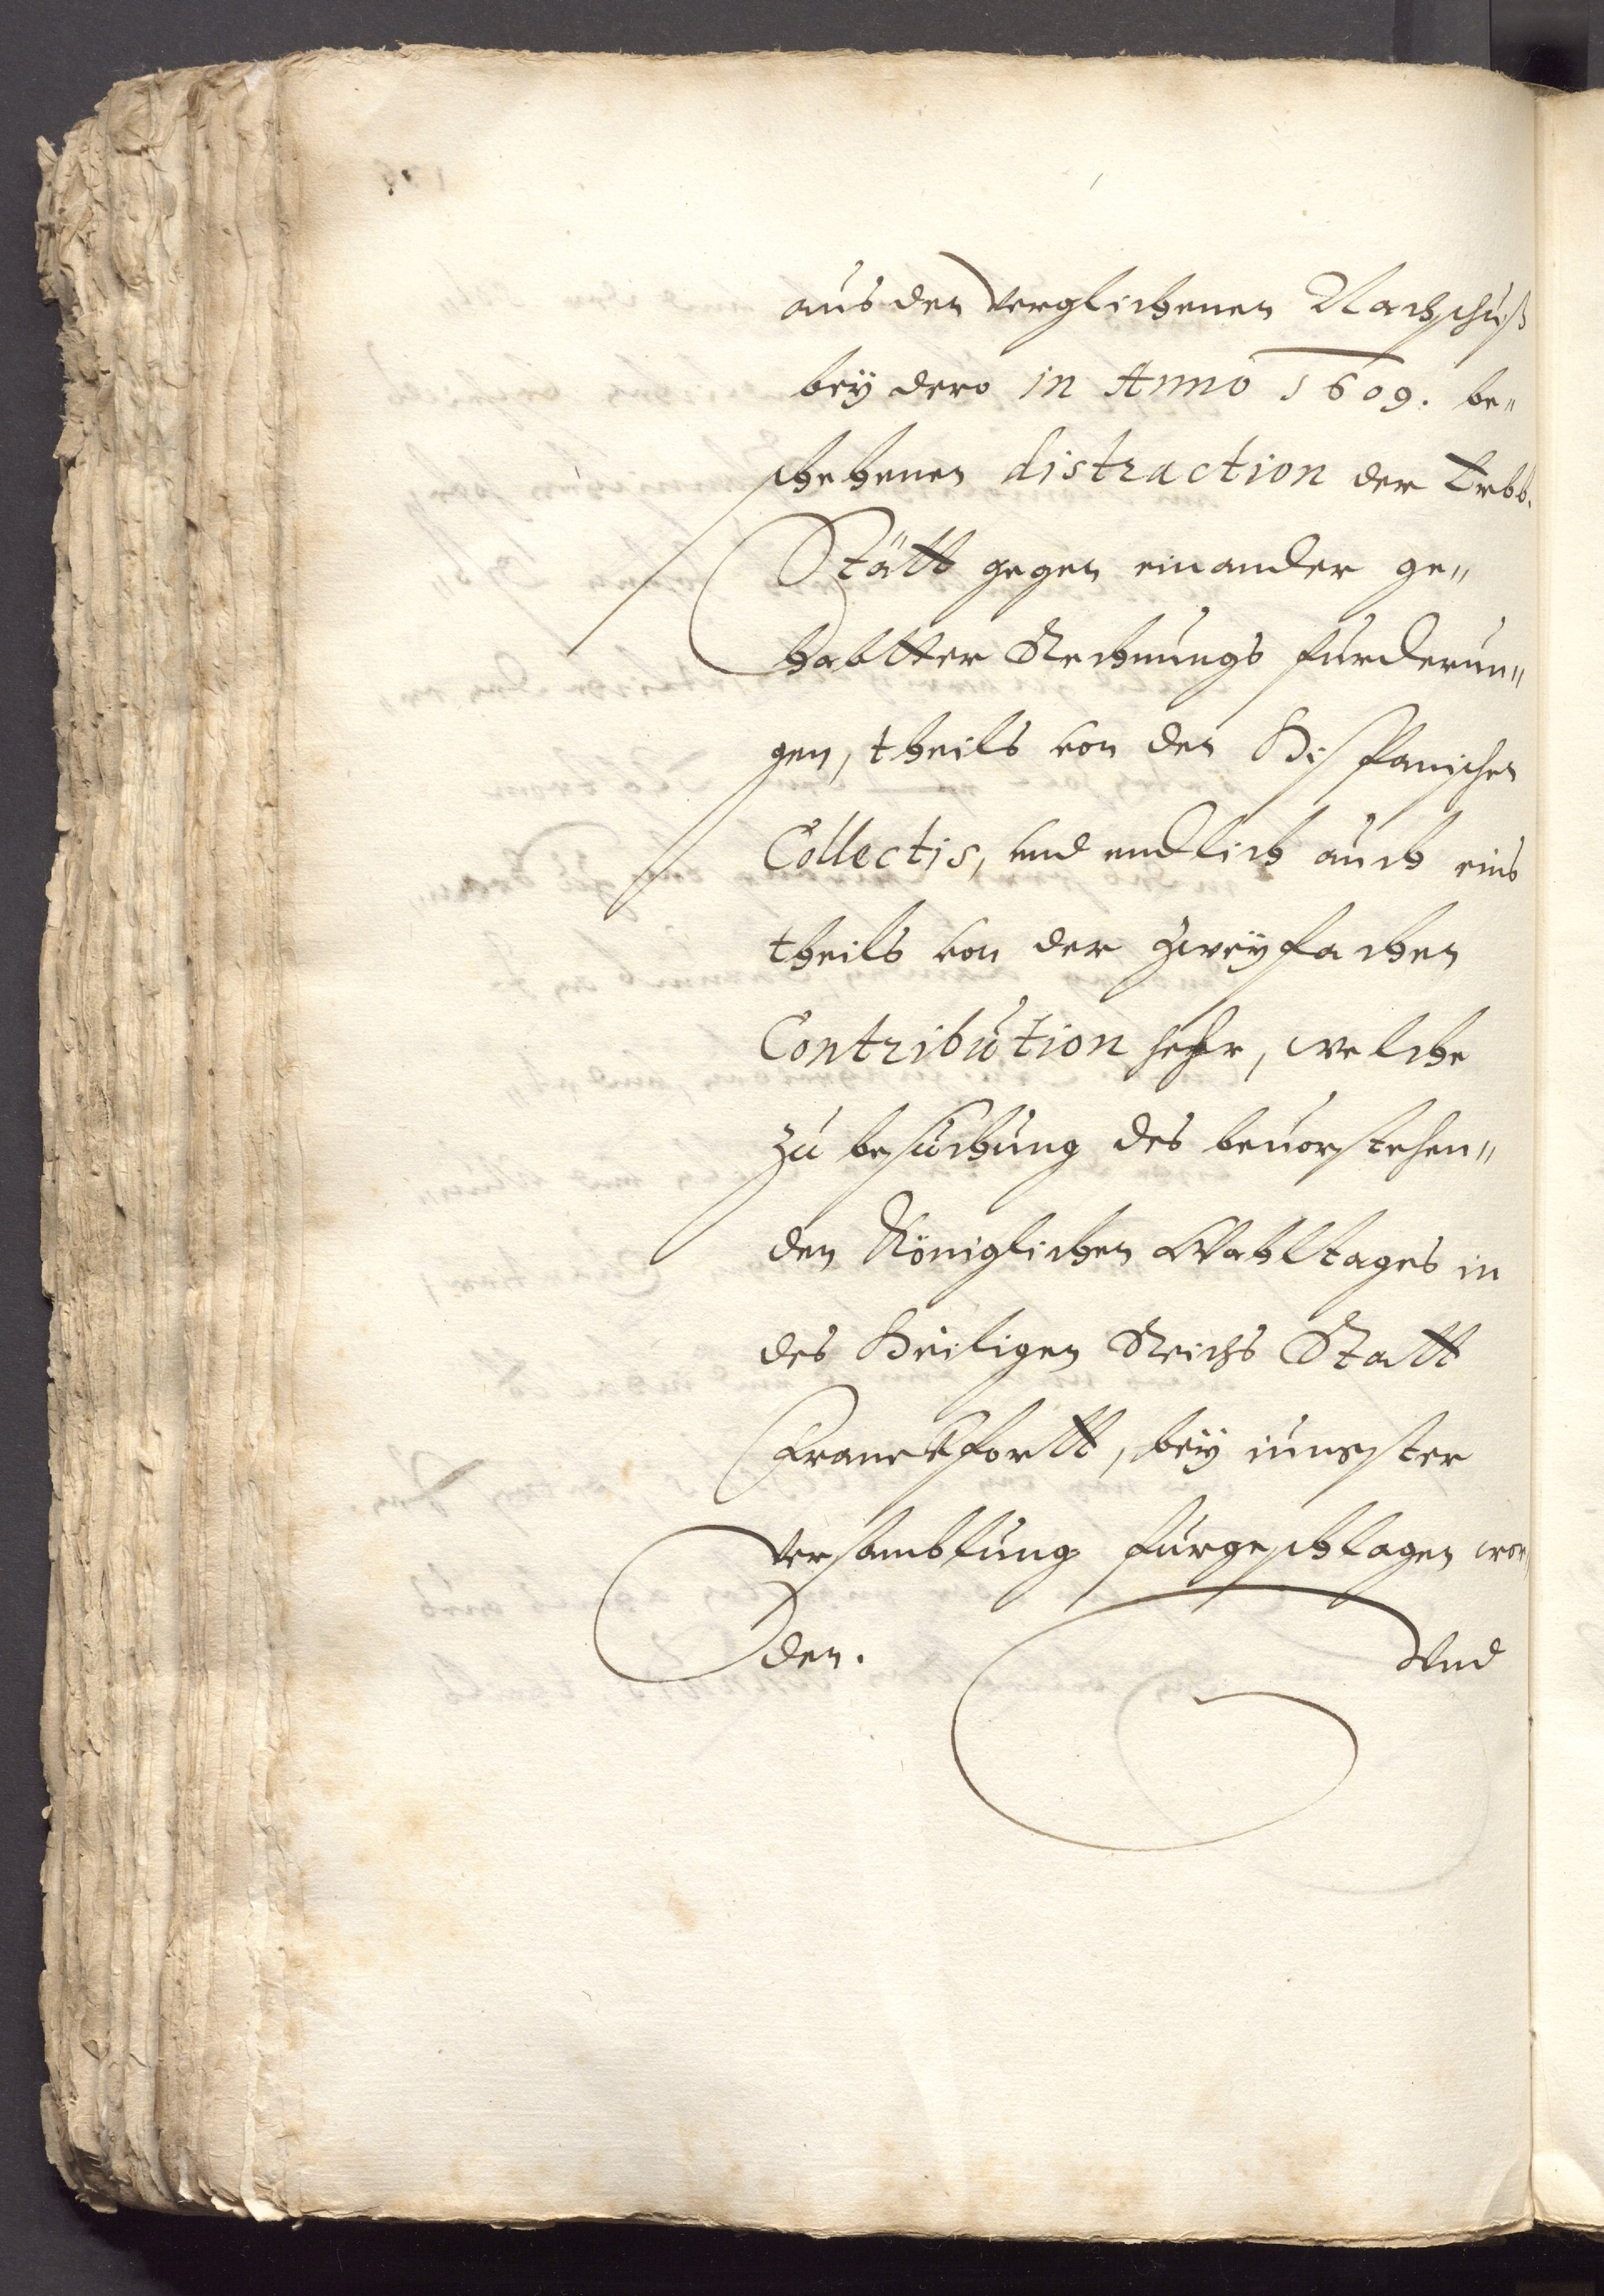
aus den verglichenen Nachschuß
beij dero in Anno 1609. be¬
schehenen distraction der Erbb.
Stätt gegen einander ge¬
habtter Rechnungs furderun¬
gen, theils von den Hispanischen
Collectis, vnd endlich auch eins
theils von der zweijfachen
Contribution hehr, welche
zu besuchung des beuorstehen¬
den Königlichen Wahltages in
des Heiligen Reichs Statt
Franckfortt, beij iungster
versamblung furgeschlagen wor¬
den.
Vnd
